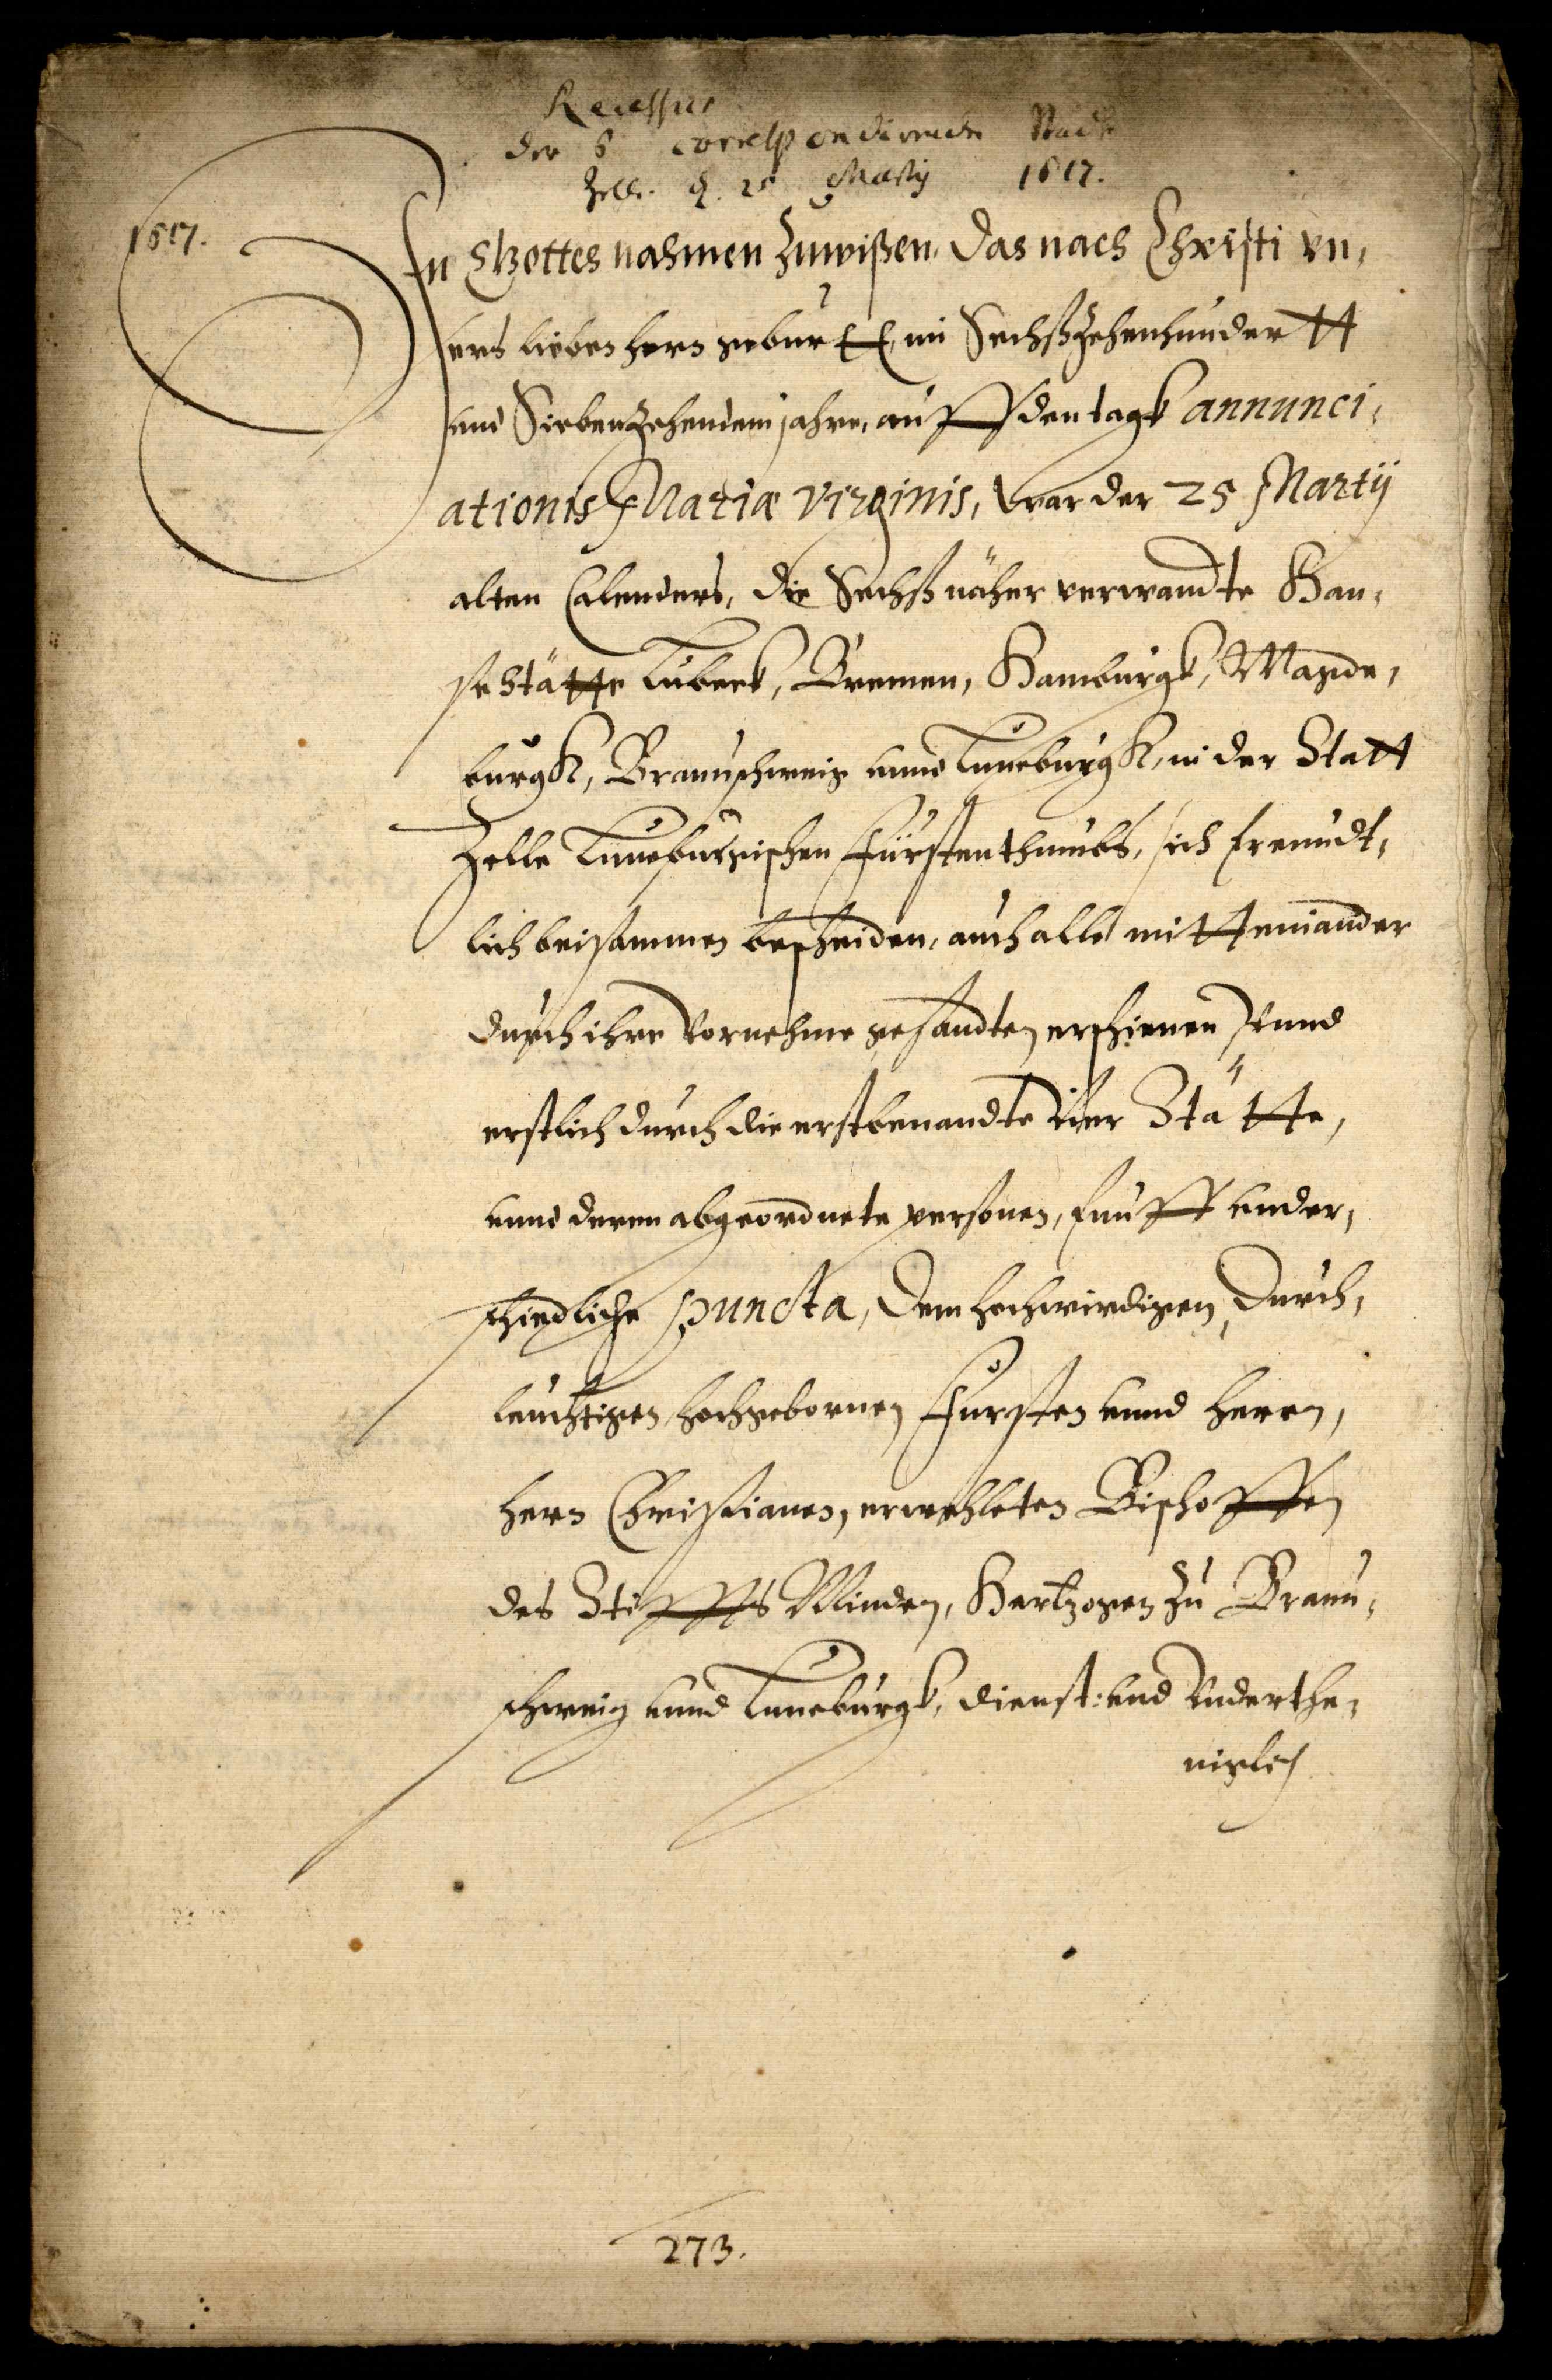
1617.
Recessus
der 6 correspondirnde Stade
Zelle den 25 Martij 1617.
In Gottes nahmen zuwißen, das nach Christi vn¬
sers lieben hern geburtt, im Sechßzehenhundertt
vnd Siebenzehendem jahre, auff den tagk annunci¬
ationis Mariae virginis, war der 25 Martij
alten Calenders, die Sechß näher verwandte Han¬
sestätte Lübeck, Bremen, Hamburgk, Magde¬
burgk, Braunschweig vnnd Luneburgk, in der Statt
Zelle Luneburgischen Fürstenthumbs, sich freundt¬
lich beisammen bescheiden, auch alle mitteinander
durch ihre Vornehme gesandten erschienen, vnnd
erstlich durch die erstbenandte vier Stätte,
vnnd deren abgeordnete personen, funff vnder¬
schiedliche puncta, dem hochwirdigen durch¬
leuchtigen hochgebornen Fürsten vnnd herrn,
hern Christianen, erwehleten Bischoffen
des Stiffts Minden, Hertzogen zu Braun¬
schweig vnnd Luneburgk, dienst: vnd vnderthe¬
niglich
273.
